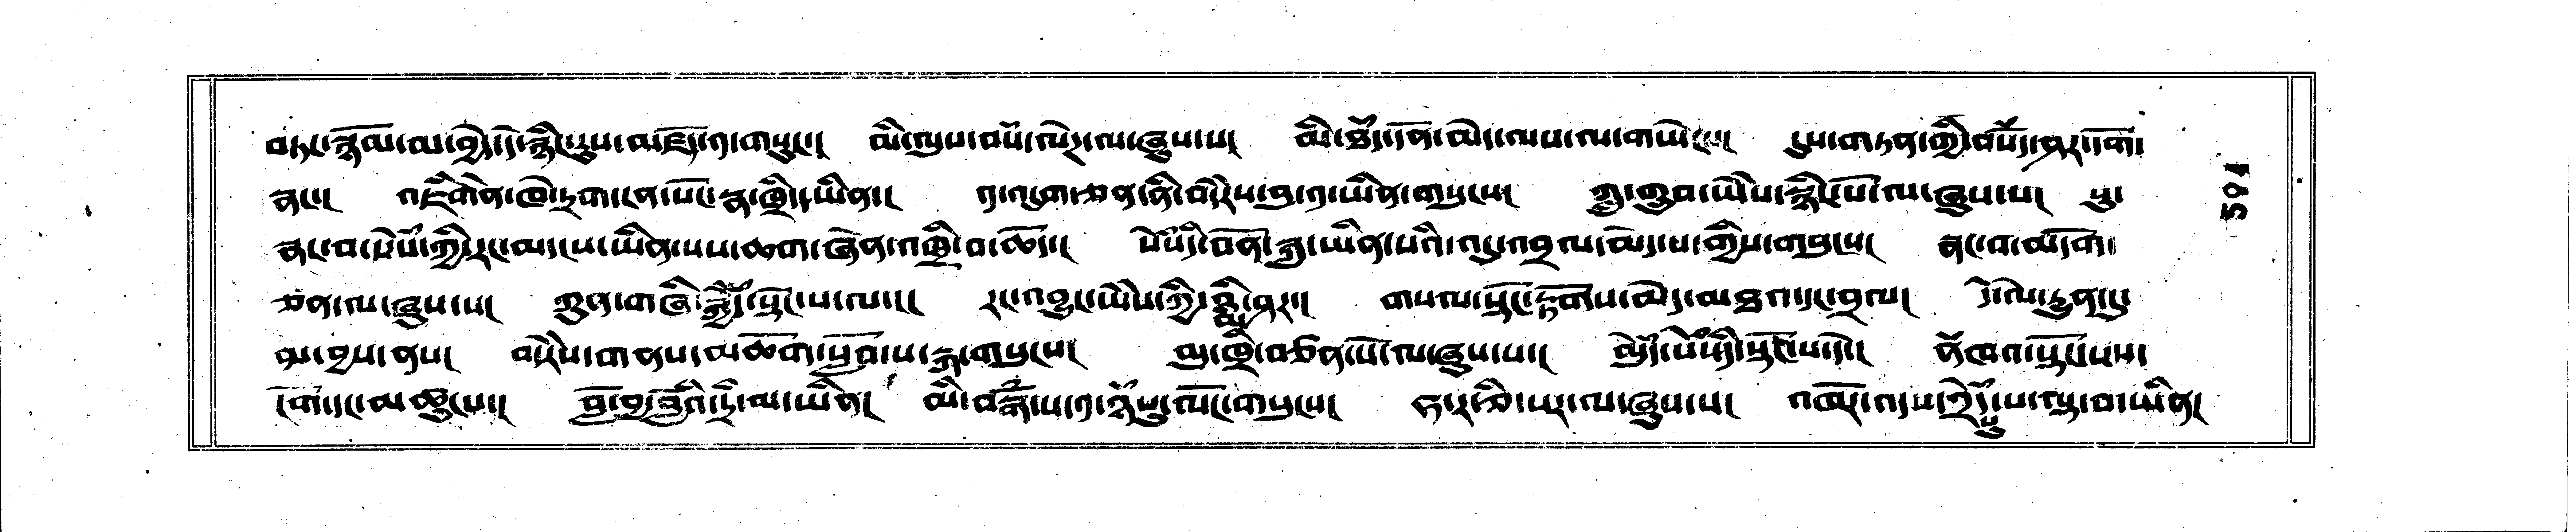བཏང་སྙོམས་མ་བྱེད་སྙིང་རུས་མཛོད་གཅིག་ཨང་གསུངས། མི་ལུས་བསམ་ལེགས་ལ་ཞུས་པས། མི་ཐམས་ཅད་དོན་མེད་པ་ལ་ཡེངས། དུས་གཏན་གྱི་སོ་ནམ་ཤོར་དོག་
སྣང་། འཇིག་རྟེན་ཁེ་དྲག་ངན་སོང་གི་སྣ་ཁྲིད་ཡིན། གཅིག་འདུག་ཅན་ནི་བདེར་གཤེགས་ཀྱི་བུ་གཅིག་ཡིན་གསུངས། ཀླུ་གྲུབ་”ཡེ་ཤེས” སྙིང་པོ་ལ་ཞུས་པས། བུ་
སྣང་བ་སེམས་ཀྱི་རང་མདང་ཡིན་པས། ཆགས་ཞེན་འཁྲི་བ་ཆོད། སེམས་ཉིད་བོན་སྐུ་ཡིན་པས། འདུ་འབྲལ་མེད་པར་མཛོད་གསུངས། སྣང་བ་མདོག་
ཅན་ལ་ཞུས་པས། ཀུན་གཞི་སྐྱེ་མེད་གདོད་དག་ལ། རང་འབྱུང་ཡེ་ཤེས་ཉི་མ་འཆར། གསལ་སྟོང་རྟོག་མེད་མཐའ་དང་བྲལ། དེ་ལ་རྒྱུན་དུ་
མ་གནས་ན། བདེ་ཆེན་གནས་མཆོག་སླེབ་པ་རྐ་གསུངས། མུ་ཁྲི་བཙན་པོ་ལ་ཞུས་པ། མུ་མེད་སེམས་ཉིད་སྟོང་པ་སྟེ། ནམ་མཁའ་དག་པའི་
ངོག་དང་མཚུངས། སྒོམས་བྱ་བློའི་དྲི་མ་ཡིན། མི་སྒོམས་པ་གཅིག་ཉམས་སུ་ལོངས་གསུངས། ཧ་ར་ཅི་པར་ལ་ཞུས་པས། འཁོར་འདས་གཉིས་སུ་མེད་ན་ལྟ་བ་ཡིན།